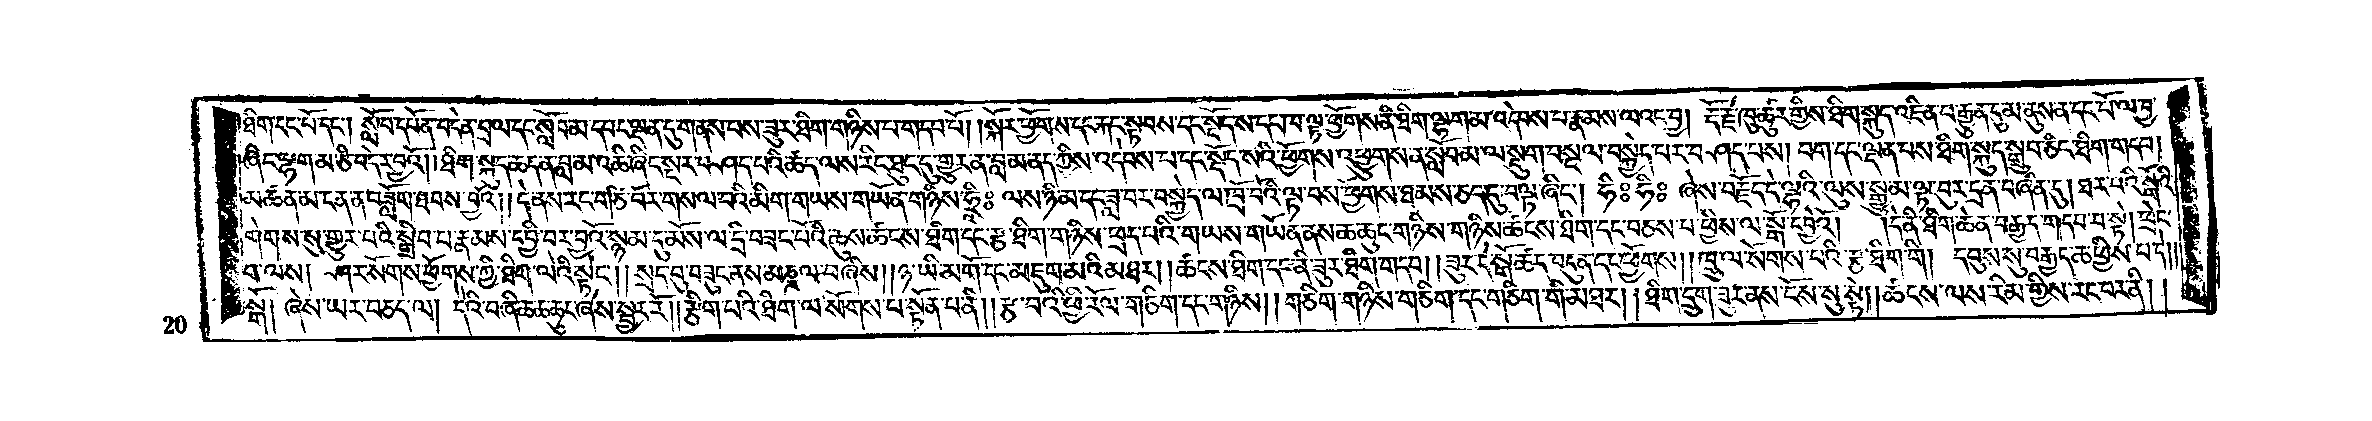ཐིག་དང་པོ་དང་། སློབ་དཔོན་བདེན་བྲལ་དང་སློབ་མ་དབང་ལྡན་དུ་གནས་པས་ཟུར་ཐིག་གཉིས་པ་གདབ་བོ། །སྐོར་ཕྱོགས་དང་རྐང་སྟབས་དང་སྡོད་ས་དང་ཁ་ལྟ་ཕྱོགས་ནི་ཐིག་ལྷག་མ་འདེབས་པ་རྣམས་ལའང་བྱ། རྡོ་རྗེ་ཁུ་ཚུར་གྱིས་ཐིག་སྐུད་འཇིན་པ་རྒྱུན་དུ་མ་ནུས་ན་དང་པོ་ལ་བྱ་
ཞིང་ལྷག་མ་ཅི་བདེར་བྱའོ། །ཐིག་སྐུད་ཆད་ན་བླ་མ་འཆི་ཞིང་སྔར་བཤད་པའི་ཚད་ལས་རིང་ཐུང་དུ་གྱུར་ན་བླ་མ་ནད་ཀྱིས་འདེབས་པ་དང་སྡོད་སའི་ཕྱོགས་འཕྱུགས་ན་སློབ་མ་ལ་སྡུག་བསྔལ་བསྐྱེད་པར་བཤད་པས། བག་དང་ལྡན་པས་ཐིག་སྐུད་སྒྲུབ་ཅིང་ཐིག་གདབ།
མཚན་མ་ངན་ན་བཟློག་ཐབས་བྱའོ། །དེ་ནས་རང་གཙོ་བོར་གསལ་བའི་མིག་གཡས་གཡོན་གཉིས་ཧྲཱིཿ ལས་ཉི་མ་དང་ཟླ་བར་བསྐྱེད་ལ་ཁྲོ་བོའི་ལྟ་བས་ཕྱོགས་ཐམས་ཅད་དུ་བལྟ་ཞིང་། ཧིཿ ཧིཿ ཞེས་བརྗོད་དེ་ལྷའི་ལུས་སྒྱུ་མ་ལྟ་བུར་དྲན་བཞིན་དུ། ཐར་པའི་སྒོའི་
གེགས་སུ་གྱུར་པའི་སྒྲིབ་པ་རྣམས་དབྱི་བར་བྱའོ་སྙམ་དུ་མོས་ལ་དྲི་བཟང་པོའི་ཆུས་ཚངས་ཐིག་དང་རྩ་ཐིག་གཉིས་ཕྲད་པའི་གཡས་གཡོན་ནས་ཆ་ཆུང་གཉིས་གཉིས་ཚངས་ཐིག་དང་བཅས་པ་ཕྱིས་ལ་སྒོ་དབྱེའོ། །དེ་ནི་ཐིག་ཆེན་བརྒྱད་གདབ་བ་སྟེ། ཕྲེང་
བ་ལས། ཤར་སོགས་ཕྱོགས་ཀྱི་ཐིག་ལེའི་སྟེང་། །སྲད་བུ་བཟུང་ནས་མཎཌལ་བཞིས། །ཉ་ཡི་མགོ་དང་མཇུག་མའི་མཐར། །ཚངས་ཐིག་དང་ནི་ཟུར་ཐིག་གདབ། །ཟུར་དེ་སྒོ་ཚད་བདུན་དང་ཕྱོགས། །ཁྲུ་ལ་སོགས་པའི་རྩ་ཐིག་གི །དབུས་སུ་བརྒྱད་ཆ་ཕྱིས་པ་དེ། །
སྒོ། ཞེས་ཡར་བཅད་ལ། དེའི་བཞི་ཆ་ཆ་ཆུང་ཞེས་སྦྱར་རོ། །རྩིག་པའི་ཐིག་ལ་སོགས་པ་སྟོན་པ་ནི། །རྩ་བའི་ཕྱི་རོལ་གཅིག་དང་གཉིས། །གཅིག་གཉིས་གཅིག་དང་གཅིག་གི་མཐར། །ཐིག་དྲུག་ཟུར་ནས་ངོས་སུ་སྟེ། །ཚངས་ལས་རིམ་གྱིས་རང་བར་ནི། །